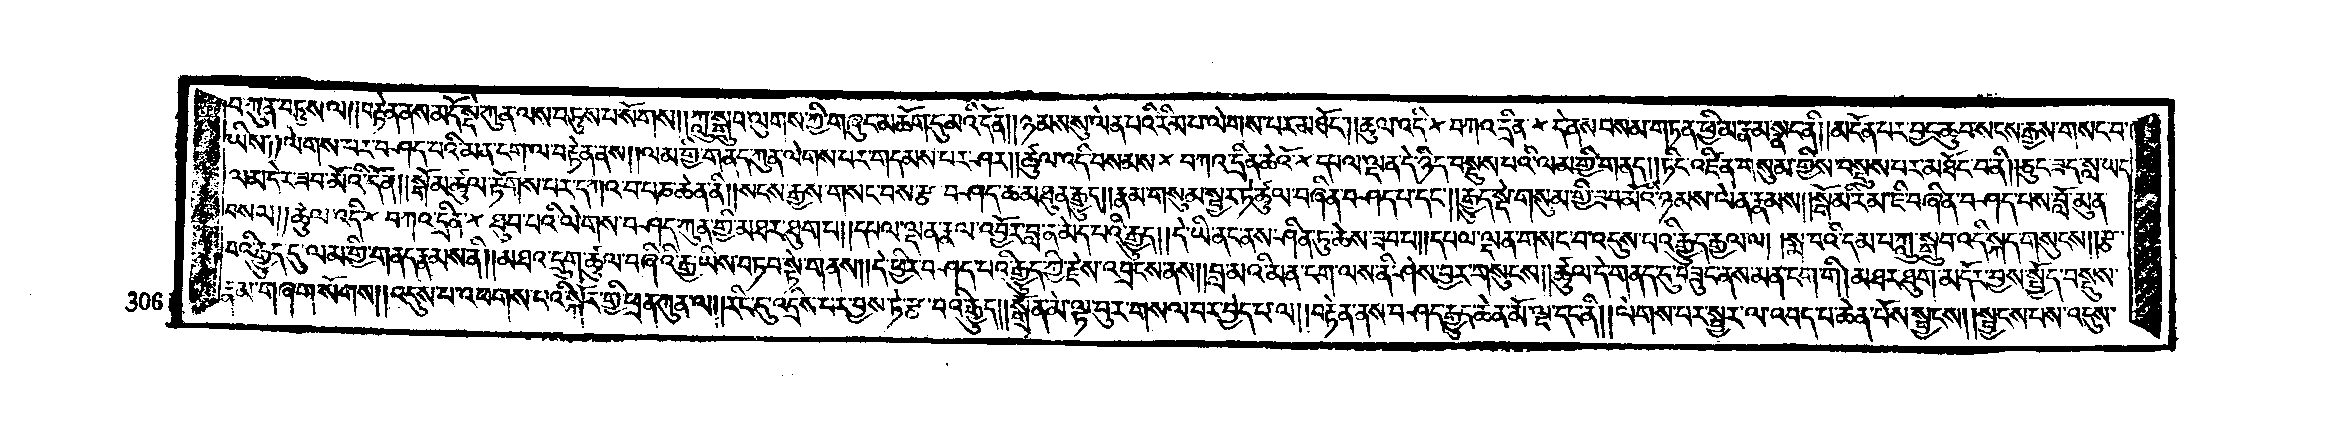བ་ཀུན་བཏུས་ལ། །བརྟེན་ནས་མདོ་སྡེ་ཀུན་ལས་བཏུས་པ་སོགས། །ཀླུ་སྒྲུབ་ལུགས་ཀྱི་གཞུང་མཆོག་དུ་མའི་དོན། །ཉམས་སུ་ལེན་པའི་རིམ་པ་ལེགས་པར་མཐོང་། །ཚུལ་འདི་྾་བཀའ་དྲིན་྾་དེ་ནས་བསམ་གཏན་ཕྱི་མ་རྣམ་སྣང་ནི། །མངོན་པར་བྱང་ཆུབ་སངས་རྒྱས་གསང་བ་
ཡིས༑ ༑ལེགས་པར་བཤད་པའི་མན་ངག་ལ་བརྟེན་ནས། །ལམ་གྱི་གནད་ཀུན་ལེགས་པར་གདམས་པར་ཤར། །ཚུལ་འདི་བསམས་྾་བཀའ་དྲིན་ཆེའོ་྾་དཔལ་ལྡན་དེ་ཉིད་བསྡུས་པའི་ལམ་གྱི་གནད། །ཏིང་འཛིན་གསུམ་གྱིས་བསྡུས་པར་མཐོང་བ་ནི། །ཅུང་ཟད་སླ་ཡང་
ལམ་དེར་ཟབ་མོའི་དོན། །སྒོམ་ཚུལ་རྟོགས་པར་དཀའ་བ་པཎ་ཆེན་ནི། །སངས་རྒྱས་གསང་བས་རྩ་བཤད་ཆ་མཐུན་རྒྱུད། །རྣམ་གསུམ་སྦྱར་ཏེ་ཚུལ་བཞིན་བཤད་པ་དང་། །རྒྱུད་སྡེ་གསུམ་གྱི་ཟབ་མོའི་ཉམས་ལེན་རྣམས། །སྒོམ་རིམ་ཇི་བཞིན་བཤད་པས་བློ་མུན་
བསལ༑ ༑ཚུལ་འདི་྾་བཀའ་དྲིན་྾་ཐུབ་པའི་ལེགས་བཤད་ཀུན་གྱི་མཐར་ཐུག་པ། །དཔལ་ལྡན་རྣལ་འབྱོར་བླ་ན་མེད་པའི་རྒྱུད། །དེ་ཡི་ནང་ནས་ཤིན་ཏུ་ཆེས་ཟབ་པ། །དཔལ་ལྡན་གསང་བ་འདུས་པའི་རྒྱུད་རྒྱལ་ལ། །སྨྲ་བའི་དམ་པ་ཀླུ་སྒྲུབ་འདི་སྐད་གསུངས། །རྩ་
བའི་རྒྱུད་དུ་ལམ་གྱི་གནད་རྣམས་ནི། །མཐའ་དྲུག་ཚུལ་བཞིའི་རྒྱ་ཡིས་བཏབ་སྟེ་གནས། །དེ་ཕྱིར་བཤད་པའི་རྒྱུད་ཀྱི་རྗེས་འབྲངས་ནས། །བླ་མའི་མན་ངག་ལས་ནི་ཤེས་བྱར་གསུངས། །ཚུལ་དེ་གནད་དུ་བཟུང་ནས་མན་ངག་གི །མཐར་ཐུག་མདོར་བྱས་སྤྱོད་བསྡུས་
རྣམ་གཞག་སོགས། །འདུས་པ་འཕགས་པའི་སྐོར་གྱི་ཕྲན་ཀུན་ལ། །རིང་དུ་འདྲིས་པར་བྱས་ཏེ་རྩ་བའི་རྒྱུད། །སྒྲོན་མེ་ལྟ་བུར་གསལ་བར་བྱེད་པ་ལ། །བརྟེན་ནས་བཤད་རྒྱུད་ཆེན་མོ་ལྔ་དང་ནི། །ལེགས་པར་སྦྱར་ལ་འབད་པ་ཆེན་པོས་སྦྱངས། །སྦྱངས་པས་འདུས་